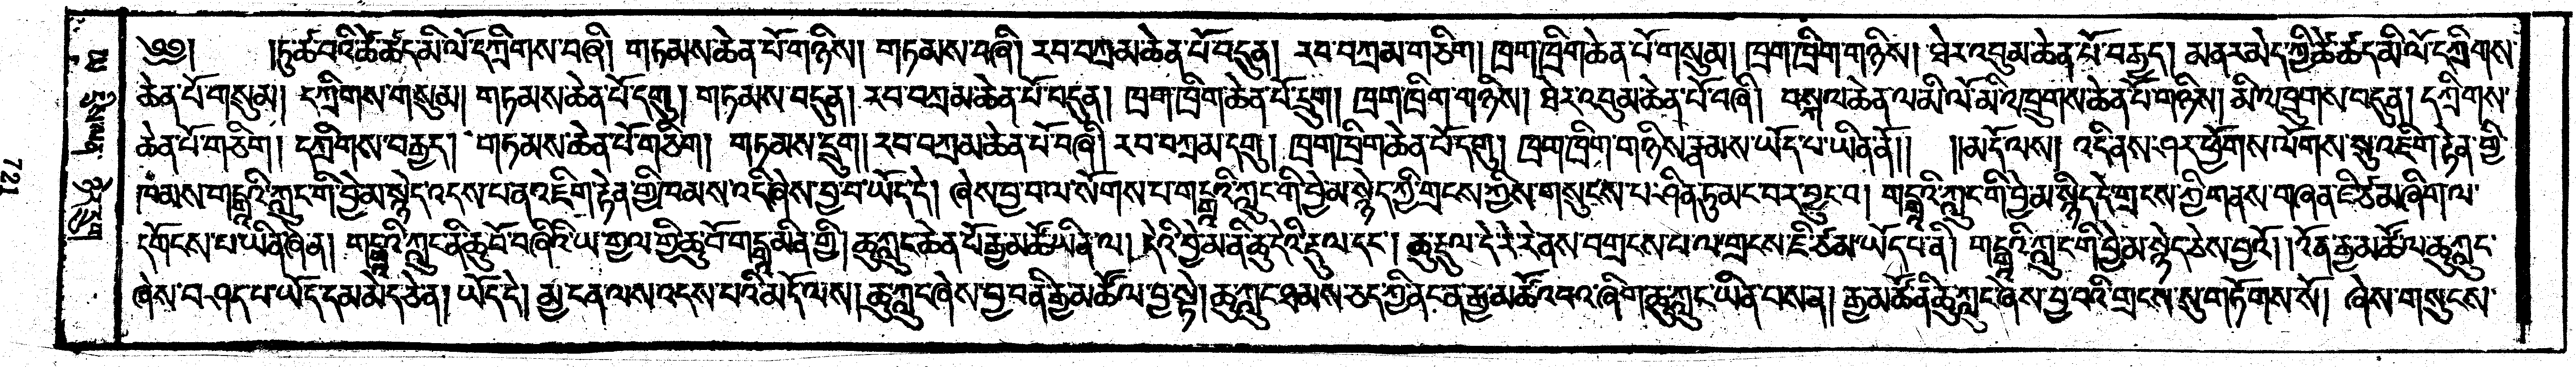༄༅། །ཏུ་ཚ་བའི་ཚེ་ཚད་མི་ལོ་དཀྲིགས་བཞི། གཏམས་ཆེན་པོ་གཉིས། གཏམས་བཞི། རབ་བཀྲམ་ཆེན་པོ་བདུན། རབ་བཀྲམ་གཅིག། ཁྲག་ཁྲིག་ཆེན་པོ་གསུམ། ཁྲག་ཁྲིག་གཉིས། ཐེར་འབུམ་ཆེན་པོ་བརྒྱད། མནར་མེད་ཀྱི་ཚེ་ཚད་མི་ལོ་དཀྲིགས་
ཆེན་པོ་གསུམ། དཀྲིགས་གསུམ། གཏམས་ཆེན་པོ་དགུ། གཏམས་བདུན། རབ་བཀྲམ་ཆེན་པོ་བདུན། ཁྲག་ཁྲིག་ཆེན་པོ་དྲུག། ཁྲག་ཁྲིག་གཉིས། ཐེར་འབུམ་ཆེན་པོ་བཞི། བསྐལ་ཆེན་ལ་མི་ལོ་མི་འཁྲུགས་ཆེན་པོ་གཉིས། མི་འཁྲུགས་བདུན། དཀྲིགས་
ཆེན་པོ་གཅིག། དཀྲིགས་བརྒྱད། གཏམས་ཆེན་པོ་གཅིག། གཏམས་དྲུག། རབ་བཀྲམ་ཆེན་པོ་བཞི། རབ་བཀྲམ་དགུ། ཁྲག་ཁྲིག་ཆེན་པོ་དགུ། ཁྲག་ཁྲིག་གཉིས་རྣམས་ཡོད་པ་ཡིན་ནོ།། །།མདོ་ལས། འདི་ནས་ཤར་ཕྱོགས་ལོགས་སུ་འཇིག་རྟེན་གྱི་
ཁམས་གངྒཱའི་ཀླུང་གི་བྱེ་མ་སྙེད་འདས་པ་ན་འཇིག་རྟེན་གྱི་ཁམས་འདི་ཞེས་བྱ་བ་ཡོད་དེ། ཞེས་བྱ་བ་ལ་སོགས་པ་གངྒཱའི་ཀླུང་གི་བྱེ་མ་སྙེད་ཀྱི་གྲངས་ཀྱིས་གསུངས་པ་ཤིན་ཏུ་མང་བར་བྱུང་བ། གངྒཱའི་ཀླུང་གི་བྱེ་མ་སྙིད་དེ་གྲངས་ཀྱི་གནས་གཞན་ཇི་ཙམ་ཞིག་ལ་
དགོངས་པ་ཡིན་ཞེ་ན། གངྒཱའི་ཀླུང་ནི་ཆུ་བོ་བཞིའི་ཡ་གྱལ་གྱི་ཆུ་བོ་གངྒཱ་མིན་གྱི། ཆུ་ཀླུང་ཆེན་པོ་རྒྱ་མཚོ་ཡིན་ལ། དེའི་བྱེ་མ་ནི་ཆུ་དེའི་རྡུལ་དང་། ཆུ་རྡུལ་དེ་རེ་རེ་ནས་བགྲངས་པ་ལ་གྲངས་ཇི་ཙམ་ཡོད་པ་ནི། གངྒཱའི་ཀླུང་གི་བྱེ་མ་སྙེད་ཅེས་བྱའོ། །འོན་རྒྱ་མཚོ་ལ་ཆུ་ཀླུང་
ཞེས་བཤད་པ་ཡོད་དམ་མེད་ཅེ་ན། ཡོད་དེ། མྱ་ངན་ལས་འདས་པའི་མདོ་ལས། ཆུ་ཀླུང་ཞེས་བྱ་བ་ནི་རྒྱ་མཚོལ་བྱ་སྟེ། ཆུ་ཀླུང་ཐམས་ཅད་ཀྱི་ནང་ན་རྒྱ་མཚོ་འབའ་ཞིག་ཆུ་ཀླུང་ཡིན་པས་ན། རྒྱ་མཚོ་ནི་ཆུ་ཀླུང་ཞེས་བྱ་བའི་གྲངས་སུ་གཏོགས་སོ། ཞེས་གསུངས་